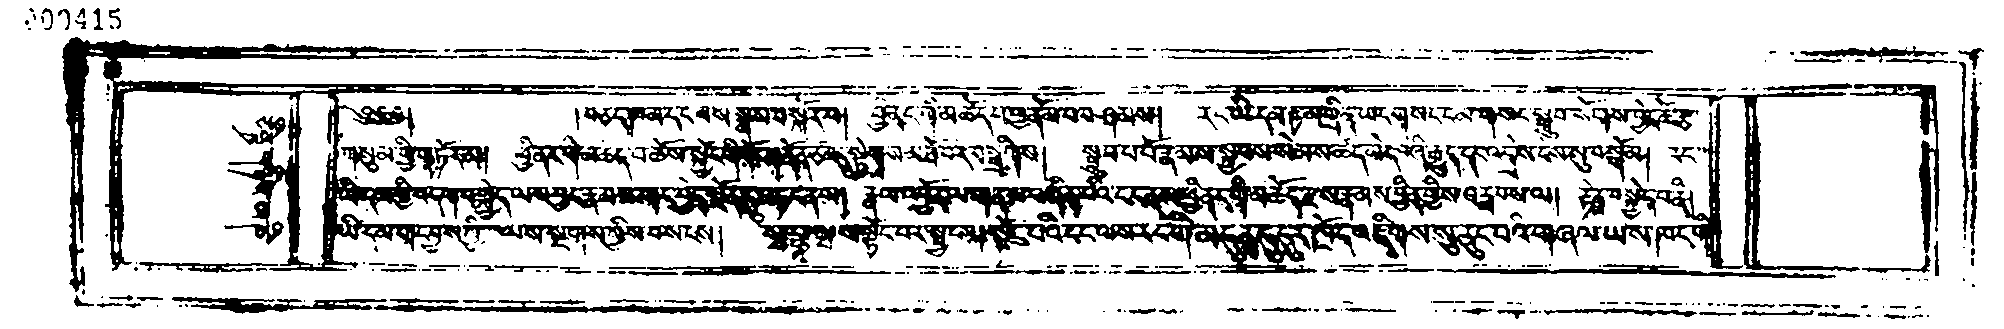༄༅༅། །བཅད་ཁམ་དང་ཟས་སྣས་བསྐོར་བ། ཕྱི་ནང་གི་མཆོད་པ་གྱ་ནོམ་པ་བཤམས། རང་ཡི་དམ་རྟ་མགྲིན་ཡང་གསང་ངམ་གསང་སྒྲུབ་སོགས་བྱེད་ཚེ་རྩ་
གསུམ་གྱི་གཏོར་མ། ཕྱི་ནང་གི་མཆོད་པ་ཆོས་སྐྱོང་གི་གོང་གནོན་ཙམ་དུ་སྟེགས་མཐོ་བར་བསྒྲིགས། སྒྲུབ་པ་པོ་རྣམས་སྐྱབས་སེམས་ཚད་མེད་བཞི་རྒྱུད་དང་འདྲེས་ངེས་སུ་བསྒོམ། རང་
ཡི་དམ་གྱི་བདག་བསྐྱེད་ལས་བྱང་རྣམས་གང་བྱེད་སྔོན་དུ་བཏང་ནས། རྣལ་འབྱོར་ལ་གནས་བཞིན་པའི་ངང་ནས་ཕྱི་ནང་གི་མཆོད་རྫས་རྣམས་བྱིན་གྱིས་བརླབས་ལ། རྟེན་བསྐྱེད་པ་ནི།
ཡི་དམ་གང་བྱས་ཀྱི་ལས་སྔགས་ཀྱིས་བསངས། སྭ་བྷཱ་ཝས་སྟོང་བར་སྦྱངས། སྟོང་པའི་ངང་ལས་རང་གི་མདུན་དུ་དུར་ཁྲོད་འཇིགས་སུ་རུང་བའི་གཞལ་ཡས་ཁང་གི་